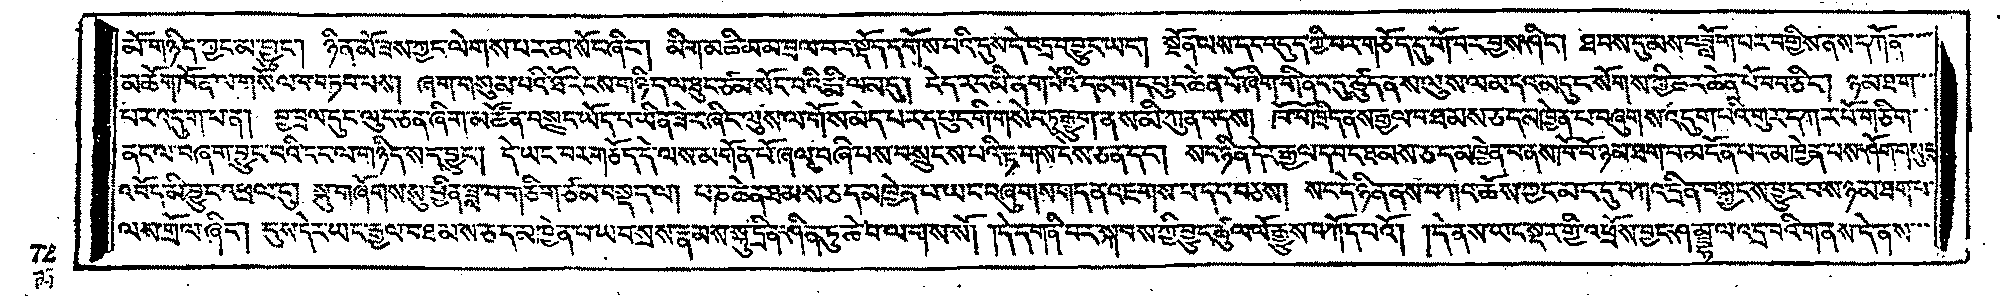མོ་གཉིད་ཀྱང་མ་བྱུང་། ཉིན་མོ་ཟས་ཀྱང་ལེགས་པར་མ་སོང་ཞིང་། མིག་མཆི་མ་མ་བྲལ་བར་སྡོད་དགོས་པའི་དུས་དེ་འདྲ་བ་བྱུང་ཡང་། སྔོན་ལས་དང་བདུད་ཀྱི་བར་གཅོད་དུ་གོ་བར་བྱས་ཤིང་། ཐབས་དུ་མས་བཟློག་པར་བགྱིས་ནས་དཀོན་
མཆོག་ཁོ་ན་ལ་གསོལ་བ་བཏབ་པས། ཞག་གསུམ་པའི་ཐོ་རེངས་གཉིད་ལ་ཐུང་ཙམ་སོང་བའི་རྨི་ལམ་དུ། ངེད་རང་མི་ནག་པོའི་དམག་དཔུང་ཆེན་པོ་ཞིག་གི་ནང་དུ་ཚུད་ནས་ལུས་ལ་མདའ་མདུང་སོགས་ཀྱི་ཆར་ཆེན་པོ་བབ་ཅིང་། ཉམ་ཐག་
པར་འདུག་པ་ན། བྱ་བྲལ་དུང་ལུང་ཅན་ཞིག་མཚོན་བསྲུང་ཡོད་པ་ཡིན་ཟེར་ཞིང་ལུས་ལ་གོས་མེད་པར་དཔུང་གི་གསེབ་ཏུ་རྒྱུག་ནས་མི་ཀུན་བདས། ཁོ་བོ་ཁྲིད་ནས་རྒྱལ་བ་ཐམས་ཅད་མཁྱེན་པ་བཞུགས་འདུག་པའི་གུར་དཀར་པོ་གཅིག་
ནང་ལ་བཞག་བྱུང་བའི་ངང་ལ་གཉིད་སད་བྱུང་། དེ་ཡང་བར་གཅོད་དེ་ལས་མགོན་པོ་ཞལ་བཞི་པས་བསྲུངས་པའི་རྟགས་ངེས་ཅན་དང་། སང་ཉིན་དེར་རྒྱལ་དབང་ཐམས་ཅད་མཁྱེན་པ་ནས་ཁོ་བོ་ཉམ་ཐག་པ་མངོན་པར་མཁྱེན་པས་ཤོག་གསུངས་
འབོད་མི་བྱུང་འཕྲལ་དུ། སྐུ་གཞོགས་སུ་ཕྱིན་ཟླ་བ་གཅིག་ཙམ་བསྡད་ལ། པཎ་ཆེན་ཐམས་ཅད་མཁྱེན་པ་ཡང་བཞུགས་གདན་འཇགས་པ་དང་བཅས། སང་དེ་ཉིན་ནས་བཀའ་ཆོས་ཀྱང་མང་དུ་བཀའ་དྲིན་བསྐྱངས་བྱུང་བས་ཉམ་ཐག་པ་
ལས་གྲོལ་ཞིང་། དུས་དེར་ཡང་རྒྱལ་བ་ཐམས་ཅད་མཁྱེན་པ་ཡབ་སྲས་རྣམས་སྐུ་དྲིན་ཤིན་ཏུ་ཆེ་བ་ལགས་སོ། །དེ་དག་ནི་བར་སྐབས་ཀྱི་བྱུང་ཚུལ་ལོ་རྒྱུས་བཀོད་པའོ། །དེ་ནས་ཡང་སྔར་གྱི་འཕྲོས་བྱང་ཤམྦྷ་ལ་འདྲ་བའི་གནས་དེ་ནས་